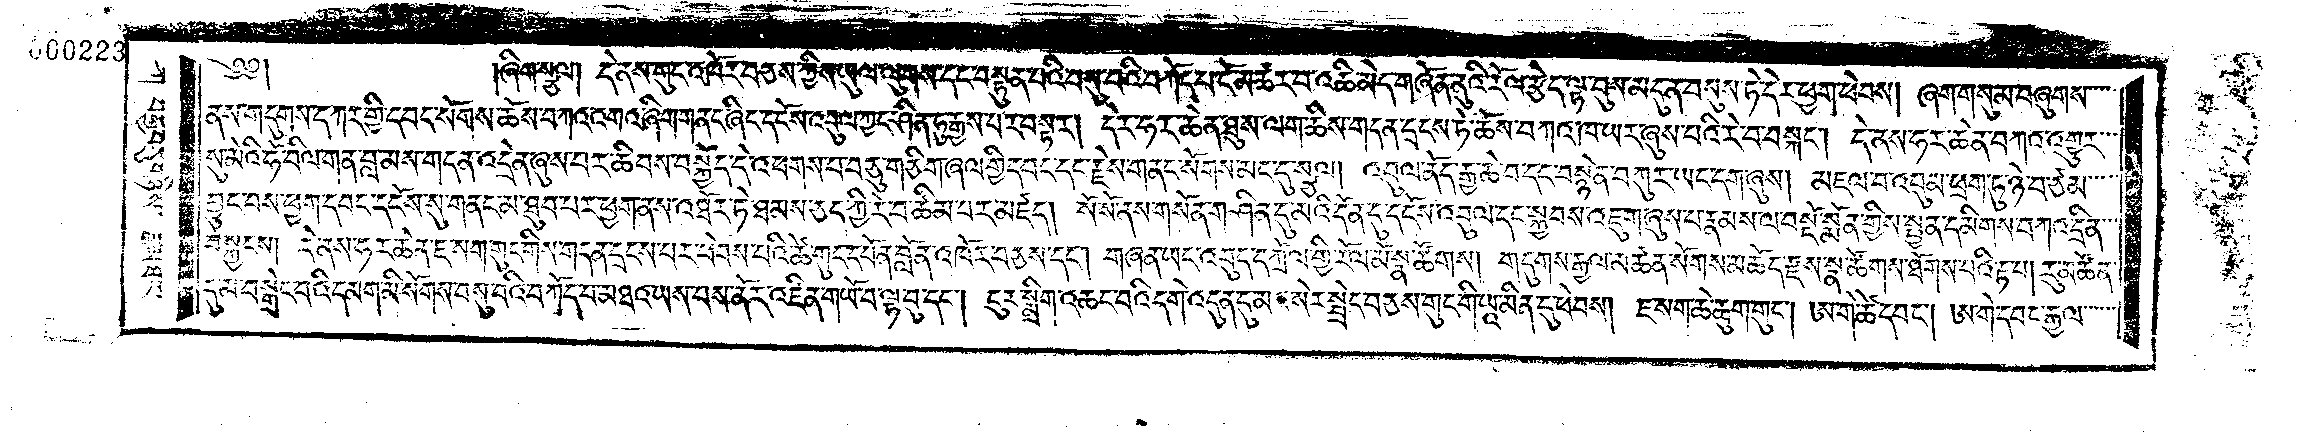༄༅། །ཞིག་སྩལ། དེ་ནས་གུང་འཁོར་བཅས་གྱིས་ཡུལ་ལུགས་དང་བསྟུན་པའི་བསུ་བའི་བཀོད་པ་ངོ་མཚར་བ་འཆི་མེད་གཞོན་ནུའི་རོལ་རྩེད་ལྟ་བུས་མདུན་བསུས་ཏེ་དེར་ཕྱག་ཕེབས། ཞག་གསུམ་བཞུགས་
ནས་གདུགས་དཀར་གྱི་དབང་སོགས་ཆོས་བཀའ་འགའ་ཞིག་གནང་ཞིང་དངོས་འབུལ་ཀྱང་ཤིན་ཏུ་རྒྱས་པར་བསྟར། དེར་ཧ་ར་ཆེན་ཐུས་ལག་ཆིས་གདན་དྲངས་ཏེ་ཆོས་བཀའ་ཁ་ཡར་ཞུས་པའི་རེ་བ་བསྐང་། དེ་ནས་ཧར་ཆེན་བཀའ་འགྱུར་
སུ་མེའི་ཧོ་བིལ་གན་བླ་མས་གདན་འདྲེན་ཞུས་བར་ཆིབས་བསྐྱོད་དེ་འཕགས་པ་བཅུ་གཅིག་ཞལ་གྱི་དབང་དང་རྗེས་གནང་སོགས་མང་དུ་སྩལ། འབུལ་ནོད་རྒྱ་ཆེ་བ་དང་བསྙེན་བཀུར་ཡང་དག་ཞུས། མཇལ་བ་འབུམ་ཕྲག་ཏུ་ཉེ་བ་ཙམ་
བྱུང་བས་ཕྱག་དབང་དངོས་སུ་གནང་མ་ཐུབ་པར་ཕྱག་ནས་འཐོར་ཏེ་ཐམས་ཅད་ཀྱི་རེ་བ་ཚིམ་པར་མཛད། སོ་སོ་ནས་གསོན་གཤིན་དུ་མའི་དོན་དུ་དངོས་འབུལ་དང་སྐྱབས་འཇུག་ཞུས་པ་རྣམས་ལ་བསྔོ་སྨོན་གྱིས་སྤྱན་དམིགས་བཀའ་དྲིན་
བསྐྱངས། དེ་ནས་ཧར་ཆེན་ཇ་སག་གུང་གིས་གདན་དྲངས་པར་ཕེབས་པའི་ཚེ་གུང་དཔོན་བློན་འཁོར་བཅས་དང་། གཞན་ཡང་འབུད་དཀྲོལ་གྱི་རོལ་མོ་སྣ་ཚོགས། གདུགས་རྒྱལ་མཚན་སོགས་མཆོད་རྫས་སྣ་ཚོགས་ཐོགས་པའི་རྟ་པ། རུ་མཚོན་
དུ་མ་བསྒྲེང་བའི་དམག་མི་སོགས་བསུ་བའི་བཀོད་པ་མཐའ་ཡས་པས་ནོར་འཛིན་གཡོ་བ་ལྟ་བུ་དང་། ངུར་སྨྲིག?་འཆང་བའི་དགེ་འདུན་དུ་མང་སེར་སྤྲེང་བཅས་གུང་གི་ཡཱ་མིན་དུ་ཕེབས། ཇ་སག་ཆེ་ཆུག་གུང་། ཨ་གེ་ཚེ་དབང་། ཨ་གེ་དབང་རྒྱལ་